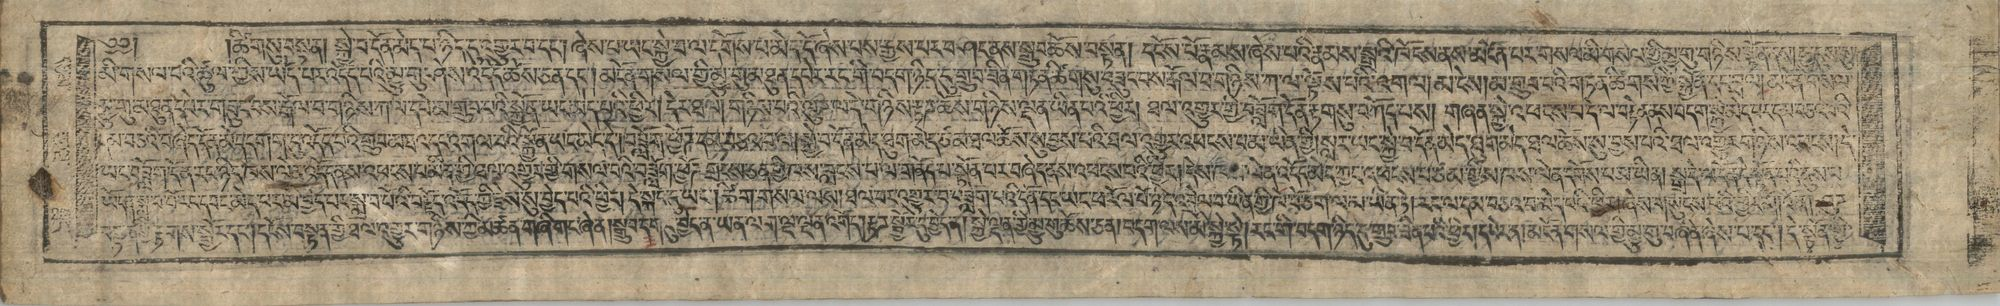༄༅། །ཚིག་སུ་བསྟན། སྐྱེ་བ་དོན་མེད་པ་ཉིད་དུ་འགྱུར་བ་དང་། ཞེས་པ་ཡང་སྐྱེ་བ་ལ་དགོས་པ་མེད་དོ་ཞེས་པས་རྒྱས་པར་བཤད་ནས་སྒྲུབ་ཆོས་བསྟན། དངོས་པོ་རྣམས་ཞེས་པའི་རྣམས་སྒྲའི་ཁོངས་ནས་མངོན་པར་གསལ་མི་གསལ་གྱི་མྱུ་གུ་གཉིས་སྟོན་ནས། རྒྱུ་དུས་སུ་
མི་གསལ་བའི་ཚུལ་གྱིས་ཡོད་པར་འདོད་པའི་མྱུ་གུ་ཤེས་འདོད་ཆོས་ཅན་དང་། མངོན་གསལ་གྱི་མྱུ་གུ་མཐུན་དཔེར་རང་གི་བདག་ཉིད་དུ་གྲུབ་ཟིན་གཏན་ཚིགས་སུ་བཟུང་བས་རྒོལ་བ་གཉིས་ཀ་ལ་ལྟོས་པའི་འགལ། མ་ངེས། མ་གྲུབ་པའི་གཏན་ཚིགས་ཀྱི་སྐྱོན་དང་བྲལ། མངོན་གསལ་
མྱུ་གུ་མཐུན་དཔེར་གཟུང་བས་རྒོལ་པ་གཉིས་ཀ་ལ་དཔེ་མ་གྲུབ་པའི་སྐྱོན་ཡང་མེད་པའི་ཕྱིར། དེར་ཐལ། གཉིས་པའི་ལུགས་ལ་དེ་གཉིས་རྟགས་ཆོས་གཉིས་ལྡན་ཡིན་པའི་ཕྱིར། ཐལ་འགྱུར་གྱི་བཟློག་དོན་རྟགས་སུ་བཀོད་པས། གཞན་སྐྱེ་འཕངས་པ་དེ་ལ་བརྟེན་ནས་བདག་སྐྱེ་མེད་པར་དམ་བཅའ་བའི་
དམ་བཅའི་བཞེད་དོན་མེད་དགག་དུ་འདོད་པའི་གྲུབ་མཐའ་དང་འགལ་བའི་སྐྱོན་ཡང་མེད་དེ། བཟློག་ཕྱོགས་དམ་བཅའ་བ་ལ། སྐྱེ་བ་དོན་མེད་ཐུག་མེད་ཙམ་ཐལ་ཆོས་སུ་བྱས་པའི་ཐལ་འགྱུར་འཕངས་པ་མ་ཡིན་གྱི། སླར་ཡང་སྐྱེ་བ་དོན་མེད་ཐུག་མེད་ཐལ་ཆོས་སུ་བྱས་པའི་ཐལ་འགྱུར་གཉིས་འཕངས། དེ་
ཡང་བཟློག་དོན་རང་ཉིད་ཁས་ལེན་འདོད་ནས་འཕངས་པ་མིན་གྱི་ཐལ་འགྱུར་གྱི་གསལ་བའི་བཟློག་ཕྱོགས་གྲངས་ཅན་གྱི་ཁས་བླངས་པ་ལ་གནོད་པ་སྟོན་པར་བཞེད་ནས་འཕངས་པའི་ཕྱིར། དེས་ཁས་ལེན་འདོད་མེད་ཀྱང་འཕངས་པ་ཙམ་གྱིས་ཁས་ལེན་དགོས་པ་མ་ཡིན། སྒྲ་དེ་ལ་དོན་དེ་སྟོན་པའི་ནུས་པ་
ཡོད་ན་སྨྲ་བ་པོ་རང་དབང་མེད་པར་མི་བྱེད་པར་སྨྲ་བ་པོའི་བརྗོད་འདོད་ཀྱི་རྗེས་སུ་བྱེད་པའི་ཕྱིར། དེ་སྐད་དུ་ཡང་། ཚིག་གསལ་ལས། ཐལ་བར་འགྱུར་བ་བཟློག་པའི་དོན་དང་ཡང་ཕ་རོལ་པོ་ཉིད་འབྲེལ་བ་ཡིན་གྱི་ཁོ་བོ་ཅག་ལ་མ་ཡིན་ཏེ། རང་ལ་དམ་བཅའ་བ་མེད་པའི་ཕྱིར། ཞེས་གསུངས་པའི་ཕྱིར་རོ། །འོ་ན། ཤུགས་
བསྟན་གྱི་རྟགས་སྦྱོར་དང་། དངོས་བསྟན་གྱི་ཐལ་འགྱུར་གཉིས་ཀྱི་མཚན་གཞི་གང་ཞེ་ན། སྒྲུབ་དག་དུ་བྱེད་ན་ཡན་ལག་ལྔ་ལྡན་འགོད། རྟགས་སྦྱོར་དུ་བྱེད་ན། སྐྱེ་ལྡན་གྱི་མྱུ་གུ་ཆོས་ཅན། བདག་ལས་མི་སྐྱེ་སྟེ། རང་གི་བདག་ཉིད་དུ་གྲུབ་ཟིན་པའི་ཕྱིར། དཔེར་ན། མངོན་གསལ་གྱི་མྱུ་གུ་བཞིན་ཞེས་པ་དང་། དེ་སྟོན་གྱི་